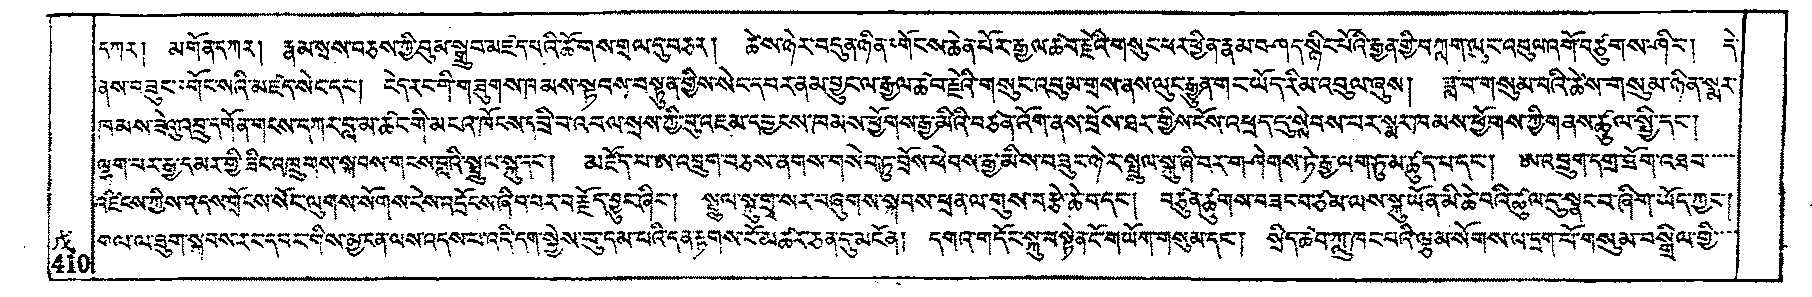དཀར། མགོན་དཀར། རྣམ་སྲས་བཅས་ཀྱི་བུམ་སྒྲུབ་མཛད་པའི་ཚོགས་གྲལ་དུ་བཅར། ཚེས་ཉེར་བདུན་ཉིན་༧གོང་ས་ཆེན་པོར་རྒྱལ་ཚབ་རྗེའི་གསུང་ཕར་ཕྱིན་རྣམ་བཤད་སྙིང་པོའི་རྒྱན་གྱི་བཀླག་ལུང་འབུལ་འགོ་བཙུགས་ཤིང་། དེ་
ནས་བཟུང་༧གོང་སའི་མཛད་སེང་དང་། ངེད་རང་གི་གཟུགས་ཁམས་སྟབས་བསྟུན་གྱིས་སེང་དབར་ནམ་བྱུང་ལ་རྒྱལ་ཚབ་རྗེའི་གསུང་འབུམ་གྲས་ནས་ལུང་རྒྱུན་གང་ཡོད་རིམ་འབུལ་ཞུས། ཟླ་བ་གསུམ་པའི་ཚེས་གསུམ་ཉིན་སྨར་
ཁམས་ཟེའུ་འབྲུ་དགོན་གངས་དཀར་བླ་མ་ཚང་གི་མངའ་ཁོངས་དབྲི་བ་འབལ་སྲས་ཀྱི་བུ་འཇམ་དབྱངས་ཁམས་ཕྱོགས་རྒྱ་མིའི་བཙན་འོག་ནས་བྲོས་ཐར་གྱིས་ངོས་འཕྲད་དུ་སླེབས་པར་སྨར་ཁམས་ཕྱོགས་ཀྱི་གནས་ཚུལ་སྤྱི་དང་།
ལྷག་པར་རྒྱ་དམར་གྱི་ཟིང་འཁྲུགས་སྐབས་གངས་བླའི་སྤྲུལ་སྐུ་དང་། མཛོད་པ་ཨ་འབྲུག་བཅས་ནགས་གསེབ་ཏུ་བྲོས་ཕེབས་རྒྱ་མིས་བཟུང་ཉེར་སྤྲུལ་སྐུ་ཞི་བར་གཤེགས་ཏེ་རྒྱ་ལག་ཏུ་མ་ཚུད་པ་དང་། ཨ་འབྲུག་དགྲ་ཐོག་འཐབ་
འཛིངས་ཀྱིས་འདས་གྲོངས་སོང་ལུགས་སོགས་ངེས་འདྲོངས་ཞིབ་པར་བརྗོད་བྱུང་ཞིང་། སྤྲུལ་སྐུ་གྲྭ་སར་བཞུགས་སྐབས་ཕྲན་ལ་གུས་བརྩེ་ཆེ་བ་དང་། བཙུན་ཚུགས་བཟང་བ་ཙམ་ལས་སྐུ་ཡོན་མི་ཆེ་བའི་ཚུལ་དུ་སྣང་བ་ཞིག་ཡོད་ཀྱང་།
གལ་ལ་ཐུག་སྐབས་རང་དབང་གིས་མྱ་ངན་ལས་འདས་པ་འདི་དག་སྐྱེས་བུ་དམ་པའི་དན་རྟགས་ངོ་མཚར་ཅན་དུ་མངོན། དགའ་གདོང་སྐུ་བསྟེན་ངོ་གཡོག་གསུམ་དང་། སྲིད་ཚབ་ཀླུ་ཁང་པའི་ལྕམ་སོགས་ལ་དྲག་པོ་གསུམ་བསྒྲིལ་གྱི་